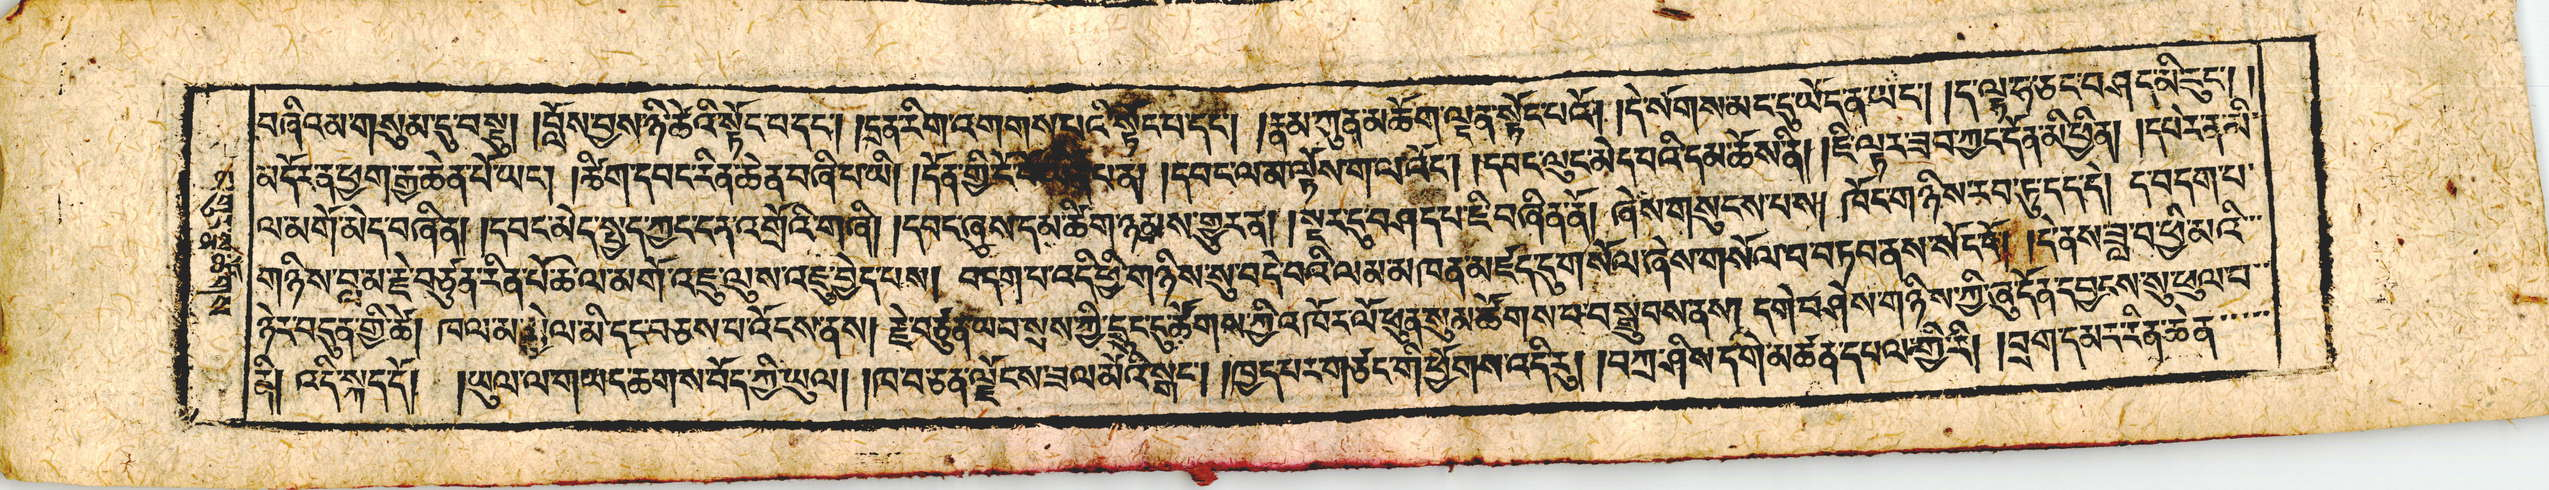བཞི་འམ་གསུམ་དུ་བསྡུ། །བློས་བྱས་ཉི་ཚེའི་སྟོང་པ་དང་། །དྲན་རིག་འགགས་པའི་སྙིང་པོ་དང་། །རྣམ་ཀུན་མཆོག་ལྡན་སྟོང་པའོ། །དེ་སོགས་མང་དུ་ཡོད་ན་ཡང་། །ད་ལྟ་ཧ་ཅང་བཤད་མི་རུང་། །
མདོར་ན་ཕྱག་རྒྱ་ཆེན་པོ་ཡང་། །ཚིག་དབང་རིན་ཆེན་བཞི་པ་ལ། །དོན་གྱི་ངོ་བོ་ཡོད་པ་ན། །དབང་ལ་མ་ལྟོས་ག་ལ་འོང་། །དབང་ལུང་མེད་པའི་དམ་ཆོས་ནི། །ཇི་ལྟར་ཟབ་ཀྱང་དོན་མི་ཕྱིན། །དཔེར་ན་མི་
ལ་མགོ་མེད་བཞིན། །དབང་མེད་སྤྱད་ཀྱང་ངན་འགྲོའི་གཞི། །དབང་ཞུས་དམ་ཚིག་ཉམས་གྱུར་ན། །སྔར་དུ་བཤད་པ་ཇི་བཞིན་ནོ། །ཞེས་གསུངས་པས། ཁོང་གཉིས་རབ་ཏུ་དད་དེ། ད་བདག་པ་
གཉིས་བླ་མ་རྗེ་བཙུན་རིན་པོ་ཆེ་ལ་མགོ་འཇུ་ལུས་འཇུ་བྱེད་པས། བདག་པ་འདི་ཕྱི་གཉིས་སུ་བདེ་བའི་ལམ་མཁན་མཛད་དུ་གསོལ་ཞེས་པ་གསོལ་བ་བཏབ་ནས་སོང་ངོ་། །དེ་ནས་ཟླ་བ་ཕྱི་མའི་
ཉེར་བདུན་གྱི་ཚེ་ཁལ་མ་སྐྱེལ་མི་དང་བཅས་པ་འོངས་ནས། རྗེ་བཙུན་ཡབ་སྲས་ཀྱི་དྲུང་དུ་ཚོགས་ཀྱི་འཁོར་ལོ་ཕུན་སུམ་ཚོགས་པ་བསླབས་ནས། དགེ་བཤེས་གཉིས་ཀྱི་ཞུ་དོན་དབྱངས་སུ་ཕུལ་བ་
ནི། འདི་སྐད་དོ། །ཡུལ་ལ་གཡང་ཆགས་བོད་ཀྱི་ཡུལ། །ཁ་བ་ཅན་ལྗོངས་ཟལ་མོའི་སྒང་། །ཁྱད་པར་གཙང་གི་ཕྱོགས་འདི་རུ། །བཀྲ་ཤིས་དགེ་མཚན་དཔལ་གྱི་རི། །བྲག་དམར་རིན་ཆེན་